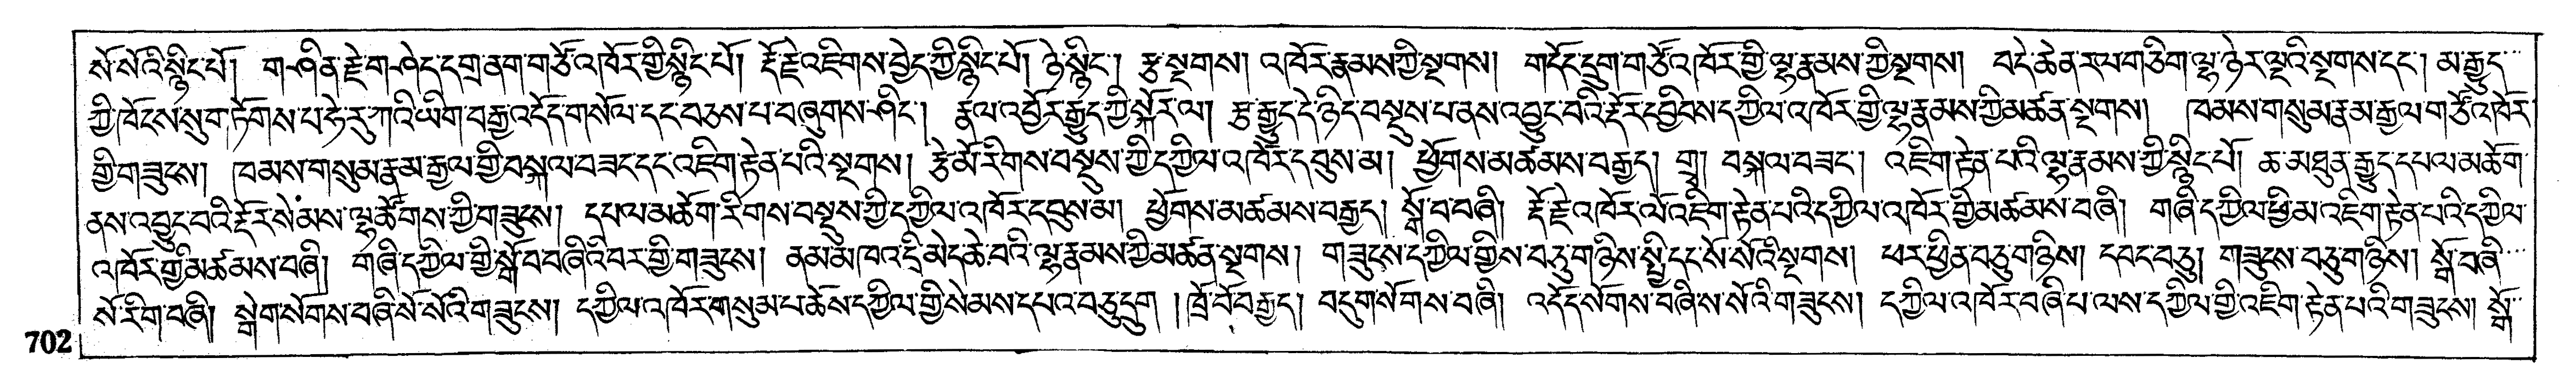སོ་སོའི་སྙིང་བོ། གཤིན་རྗེ་གཤེད་དགྲ་ནག་གཙོ་འཁོར་གྱི་སྙིང་པོ། རྡོ་རྗེ་འཇིགས་བྱེད་ཀྱི་སྙིང་པོ། ཉེ་སྙིང་། རྩ་སྔགས། འཁོར་རྣམས་ཀྱི་སྔགས། གདོང་དྲུག་གཙོ་འཁོར་གྱི་ལྷ་རྣམས་ཀྱི་སྔགས། བདེ་ཆེན་རལ་གཅིག་ལྷ་ཉེར་ལྔའི་སྔགས་དང་། མ་རྒྱུད་
གྱི་ཁོངས་སུ་གཏོགས་པ་ཧེ་རུ་ཀའི་ཡིག་བརྒྱ་འདོད་གསོལ་དང་བཅས་པ་བཞུགས་ཤིང་། རྣལ་འབྱོར་རྒྱུད་ཀྱི་སྐོར་ལ། རྩ་རྒྱུད་དེ་ཉིད་བསྡུས་པ་ནས་འབྱུང་བའི་རྡོར་དབྱིངས་དཀྱིལ་འཁོར་གྱི་ལྷ་རྣམས་ཀྱི་མཚན་སྔགས། ཁམས་གསུམ་རྣམ་རྒྱལ་གཙོ་འཁོར་
གྱི་གཟུངས། ཁམས་གསུམ་རྣམ་རྒྱལ་གྱི་བསྐལ་བཟང་དང་འཇིག་རྟེན་པའི་སྔགས། རྩེ་མོ་རིགས་བསྡུས་ཀྱི་དཀྱིལ་འཁོར་དབུས་མ། ཕྱོགས་མཚམས་བརྒྱད། གྲྭ། བསྐལ་བཟང་། འཇིག་རྟེན་པའི་ལྷ་རྣམས་ཀྱི་སྙིང་པོ། ཆ་མཐུན་རྒྱུད་དཔལ་མཆོག་
ནས་འབྱུང་བའི་རྡོར་སེམས་ལྷ་ཚོགས་ཀྱི་གཟུངས། དཔལ་མཆོག་རིགས་བསྡུས་ཀྱི་དཀྱིལ་འཁྲོ་དབུས་མ། ཕྱོགས་མཚམས་བརྒྱད། སྒོ་བ་བཞི། རྡོ་རྗེ་འཁོར་ལོ་འཇིག་རྟེན་པའི་དཀྱིལ་འཁོར་གྱི་མཚམས་བཞི། གཞི་དཀྱིལ་འཁོར་ཕྱི་མ་འཇིག་རྟེན་པའི་དཀྱིལ་
འཁོར་གྱི་མཚམས་བཞི། གཞི་དཀྱིལ་གྱི་སྒོ་བ་བཞིའི་བར་གྱི་གཟུངས། ནམ་མཁའ་དྲི་མེད་ཆེ་བའི་ལྷ་རྣམས་ཀྱི་མཚན་སྔགས། གཟུངས་དཀྱིལ་གྱི་ས་བཅུ་གཉིས་སྤྱི་དང་སོ་སོའི་སྔགས། ཕར་ཕྱིན་བཅུ་གཉིས། དབང་བཅུ། གཟུངས་བཅུ་གཉིས། སྒོ་བཞི།
སོ་རིག་བཞི། སྦེག་སོགས་བཞི་སོ་སོའི་གཟུངས། དཀྱིལ་འཁོར་གསུམ་པ་ཆོས་དཀྱིལ་གྱི་སེམས་དཔའ་བཅུ་དྲུག །ཁྲོ་བོ་བརྒྱད། བདུག་སོགས་བཞི། འདོད་སོགས་བཞི་སོ་སོའི་གཟུངས། དཀྱིལ་འཁོར་བཞི་པ་ལས་དཀྱིལ་གྱི་འཇིག་རྟེན་པའི་གཟུངས། སྒོ་